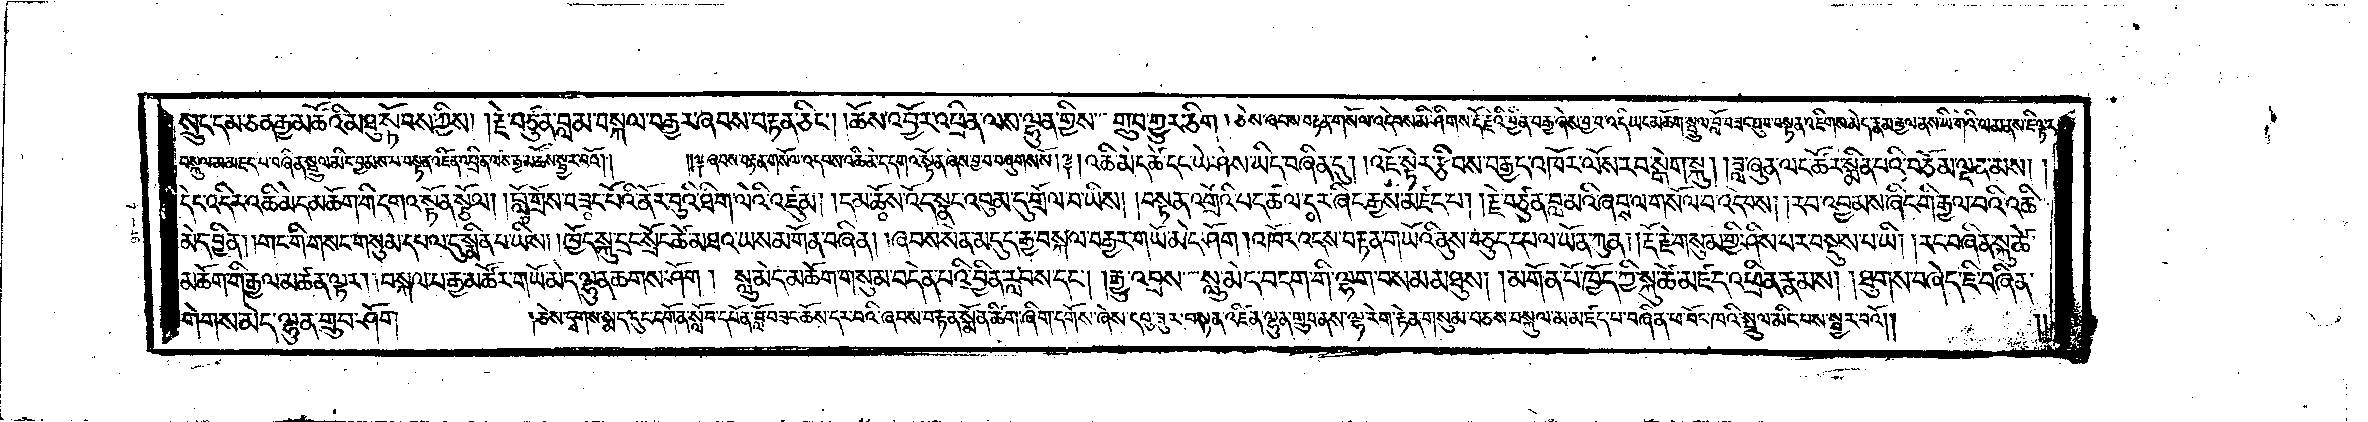སྲུང་དམ་ཅན་རྒྱ་མཚོའི་མཐུ་སྟོབས་ཀྱིས། །རྗེ་བཙུན་བླ་མ་བསྐལ་བརྒྱར་ཞབས་བརྟན་ཅིང་། །ཆོས་འབྱོར་འཕྲིན་ལས་ལྷུན་གྱིས་གྲུབ་གྱུར་ཅིག །ཅེས་ཞབས་བརྟན་གསོལ་འདེབས་མི་ཤིགས་རྡོ་རྗེའི་བྱིན་བརྒྱ་ཞེས་བྱ་བ་འདི་ཡང་མཆོག་སྤྲུལ་བློ་བཟང་ཐུབ་བསྟན་འཇིགས་མེད་རྣམ་རྒྱལ་ནས་ཡི་གེའི་ལམ་ནས་ཇི་ལྟར་
བསྐུལ་མ་མཛད་པ་བཞིན་སྤྲུལ་མིང་བྱམས་པ་བསྟན་འཛིན་འཕྲིན་ལས་རྒྱ་མཚོས་སྦྱར་བའོ།། །། ༈ ཞབས་བརྟན་གསོལ་འདབས་འཆི་མེད་དགའ་སྟོན་ཞེས་བྱ་བ་བཞུགས་སོ།། ༈ །འཆི་མེད་ཚེ་དང་ཡེ་ཤེས་ཡིད་བཞིན་དུ། །འཇོ་སྟེར་རྩིབས་བརྒྱད་འཁོར་ལོས་རབ་སྒེག་སྐུ། །ཟླ་ཞུན་ལང་ཚོར་སྨིན་པའི་བཅོམ་ལྡན་མས། །
དེང་འདིར་འཆི་མེད་མཆོག་གི་དགའ་སྟོན་སྩོལ། །བློ་གྲོས་བཟང་པོའི་ནོར་བུའི་ཐིག་ལེའི་འཛུམ། །དམ་ཆོས་འོད་སྣང་འབུམ་དུ་གྲོལ་བ་ཡིས། །བསྟན་འགྲོའི་པད་ཚལ་དར་ཞིང་རྒྱས་མཛད་པ། །རྗེ་བཙུན་བླ་མའི་ཞབས་ལ་གསོལ་བ་འདེབས། །རབ་འབྱམས་ཞིང་གི་རྒྱལ་བའི་འཆི་
མེད་བྱིན། གང་གི་གསང་གསུམ་དཔལ་དུ་སྨིན་པ་ཡིས། །ཁྱོད་སྐུ་དྲང་སྲོང་ཚེ་མཐའ་ཡས་མགོན་བཞིན། །ཞབས་སེན་མདུད་རྒྱ་བསྐལ་བརྒྱར་གཡོ་མེད་ཤོག །འཁོར་འདས་བརྟན་གཡོའི་ནུས་བཅུད་དཔལ་ཡོན་ཀུན། །རྡོ་རྗེ་གསུམ་གྱིས་ཤིས་པར་བསྡུས་པ་ཡི། །རང་བཞིན་སྐུ་ཚེ་
མཆོག་གི་རྒྱལ་མཚན་ལྟར། །བསྐལ་པ་རྒྱ་མཚོར་གཡོ་མེད་ལྷུན་ཆགས་ཤོག ། སླུ་མེད་མཆོག་གསུམ་བདེན་པའི་བྱིན་རླབས་དང་། །རྒྱུ་འབྲས་སླུ་མེད་བདག་གི་ལྷག་བསམ་མཐུས། །མགོན་པོ་ཁྱོད་ཀྱི་སྐུ་ཚེ་མཛད་འཕྲིན་རྣམས། །ཐུགས་བཞེད་ཇི་བཞིན་
གགས་མེད་ལྷུན་གྲུབ་ཤོག་།ཅེས་དྭགས་སྨད་དུང་དགོན་སློབ་དཔོན་བློ་བཟང་ཆོས་དར་བའི་ཞབས་བརྟན་སྨོན་ཚིག་ཞིག་དགོས་ཞེས་དབུ་ཟུར་བསྟན་འཛིན་ལྷུན་གྲུབ་ནས་ལྷ་རེག་རྟེན་གསུམ་བཅས་བསྐུལ་མ་མཛད་པ་བཞིན་ཕ་བོང་ཁའི་སྤྲུལ་མིང་བས་སྦྱར་བའོ།། །།